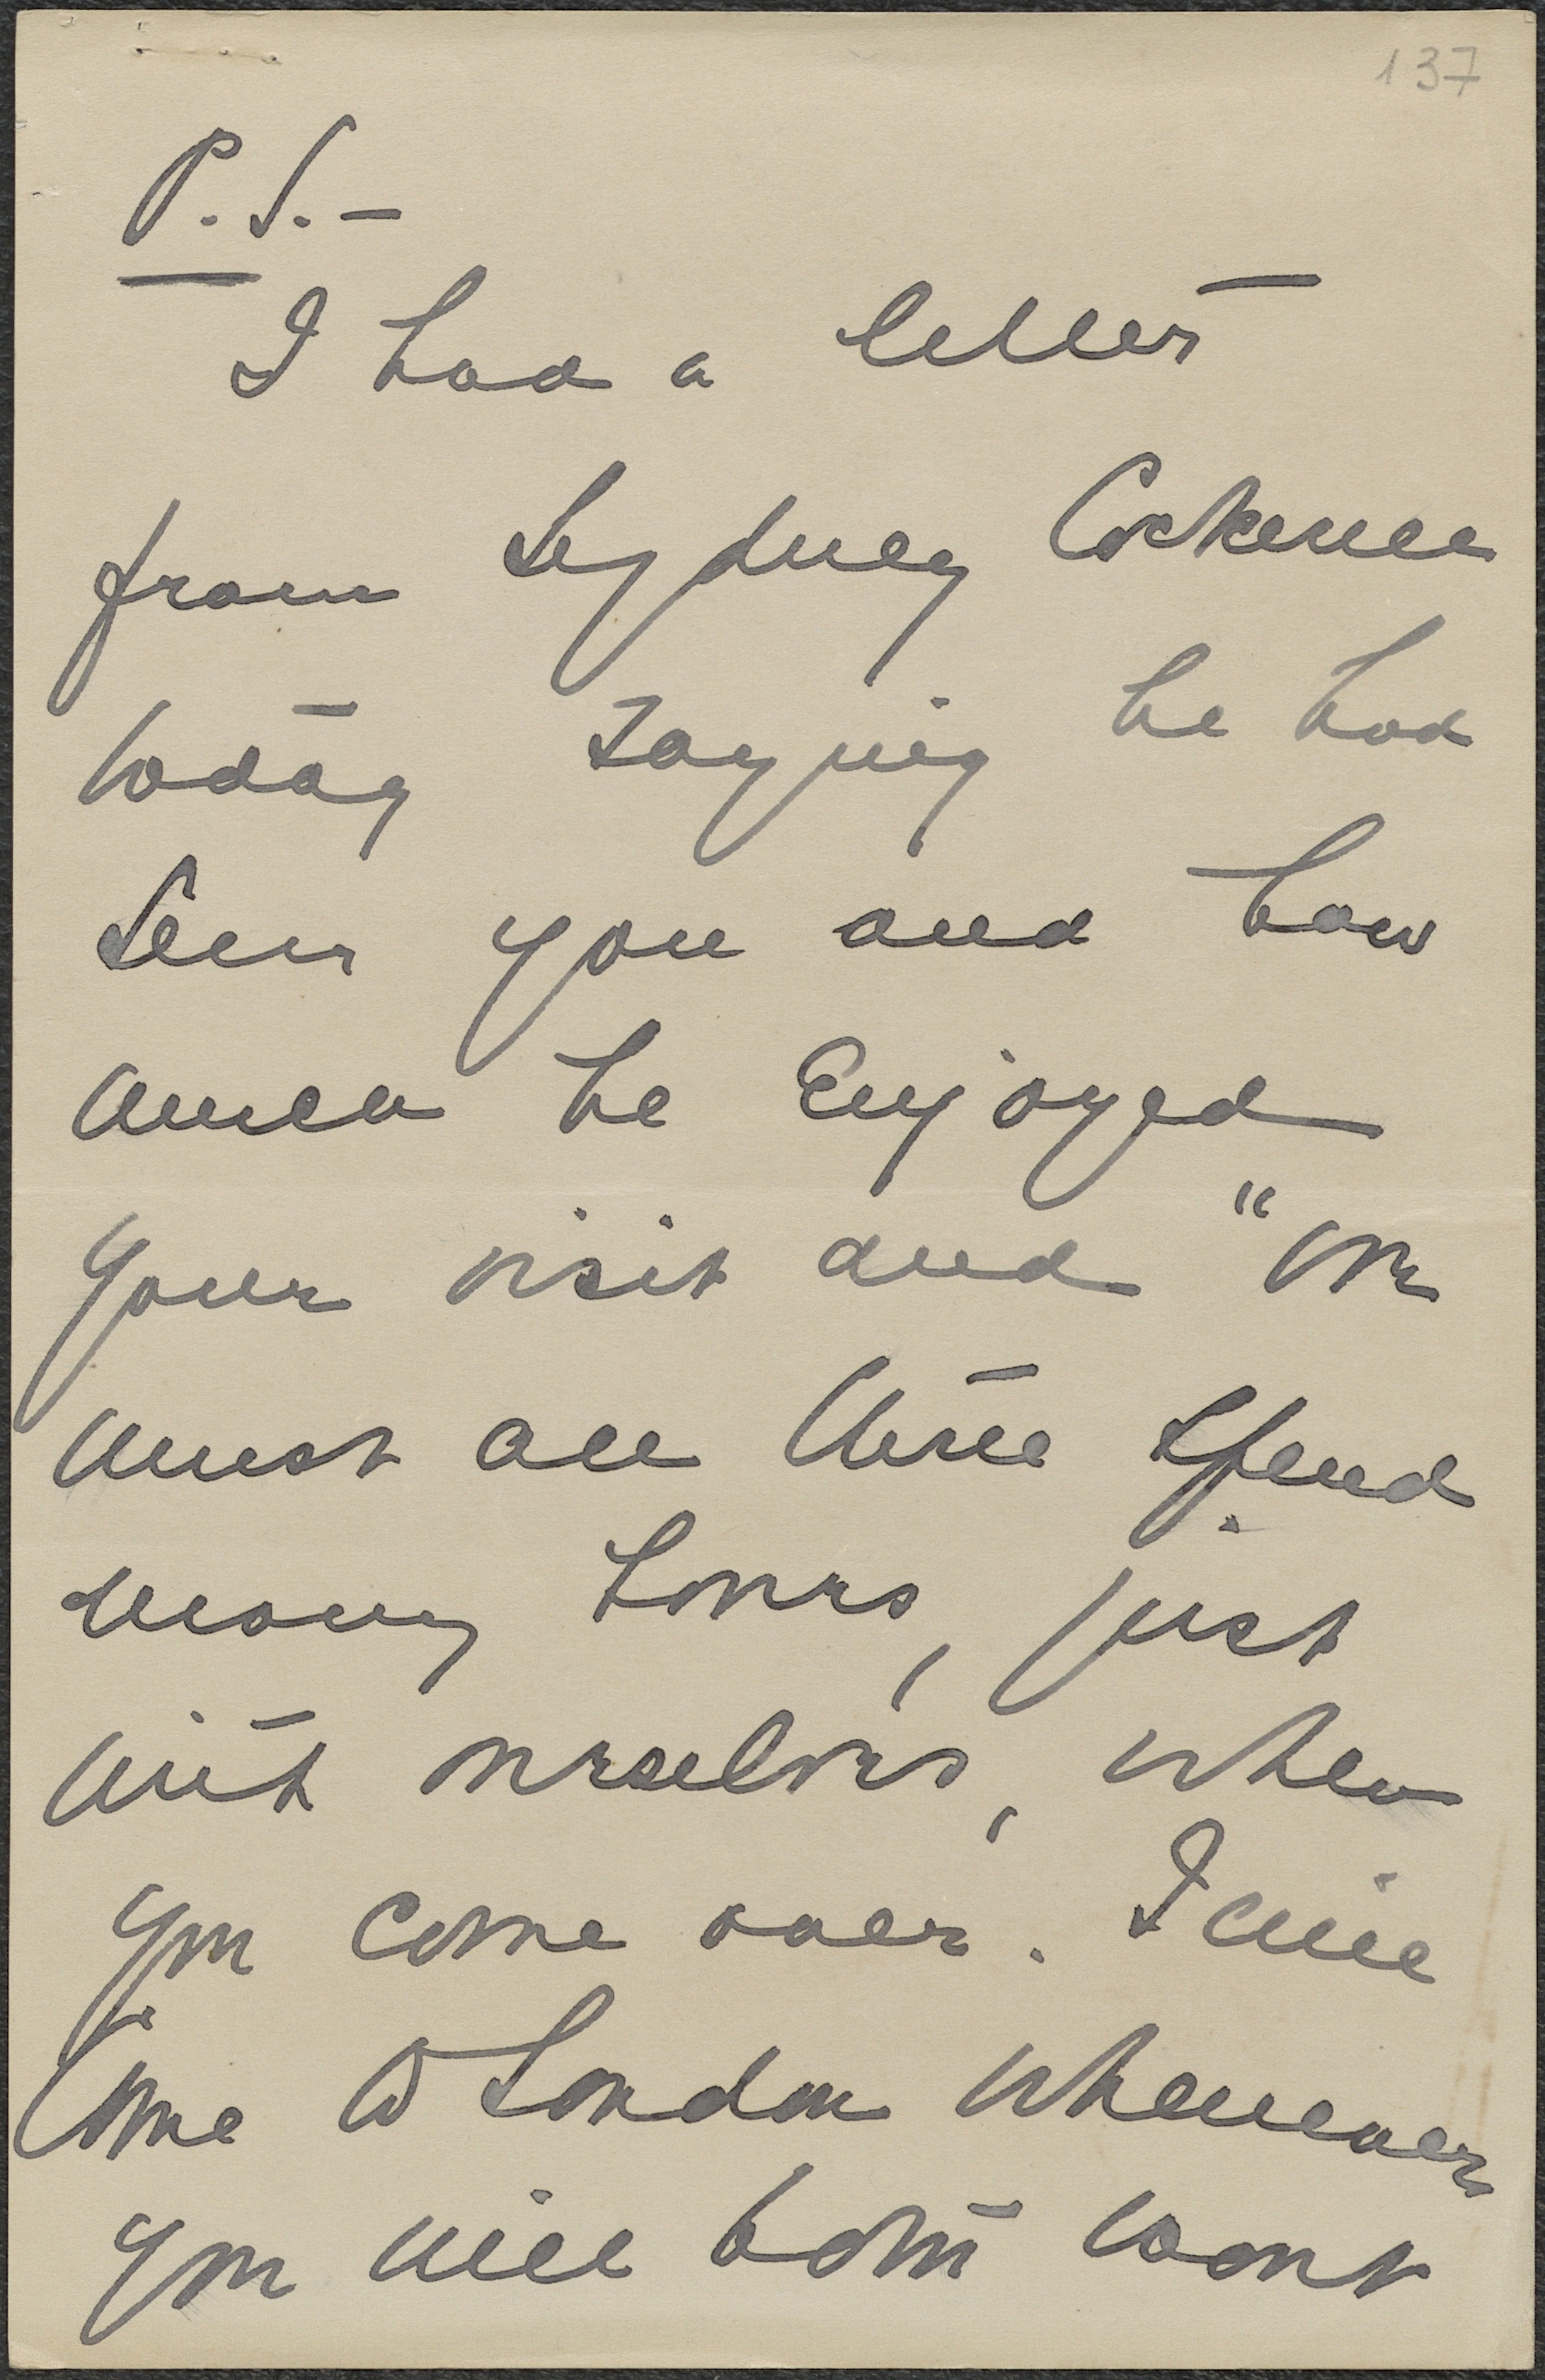P.S. –
I had a letter from Sydney Cockerell today saying he had seen you and how much he enjoyed your visit and “we must all three spend many hours, just with ourselves, when you come over. I will come to London whenever you will both want